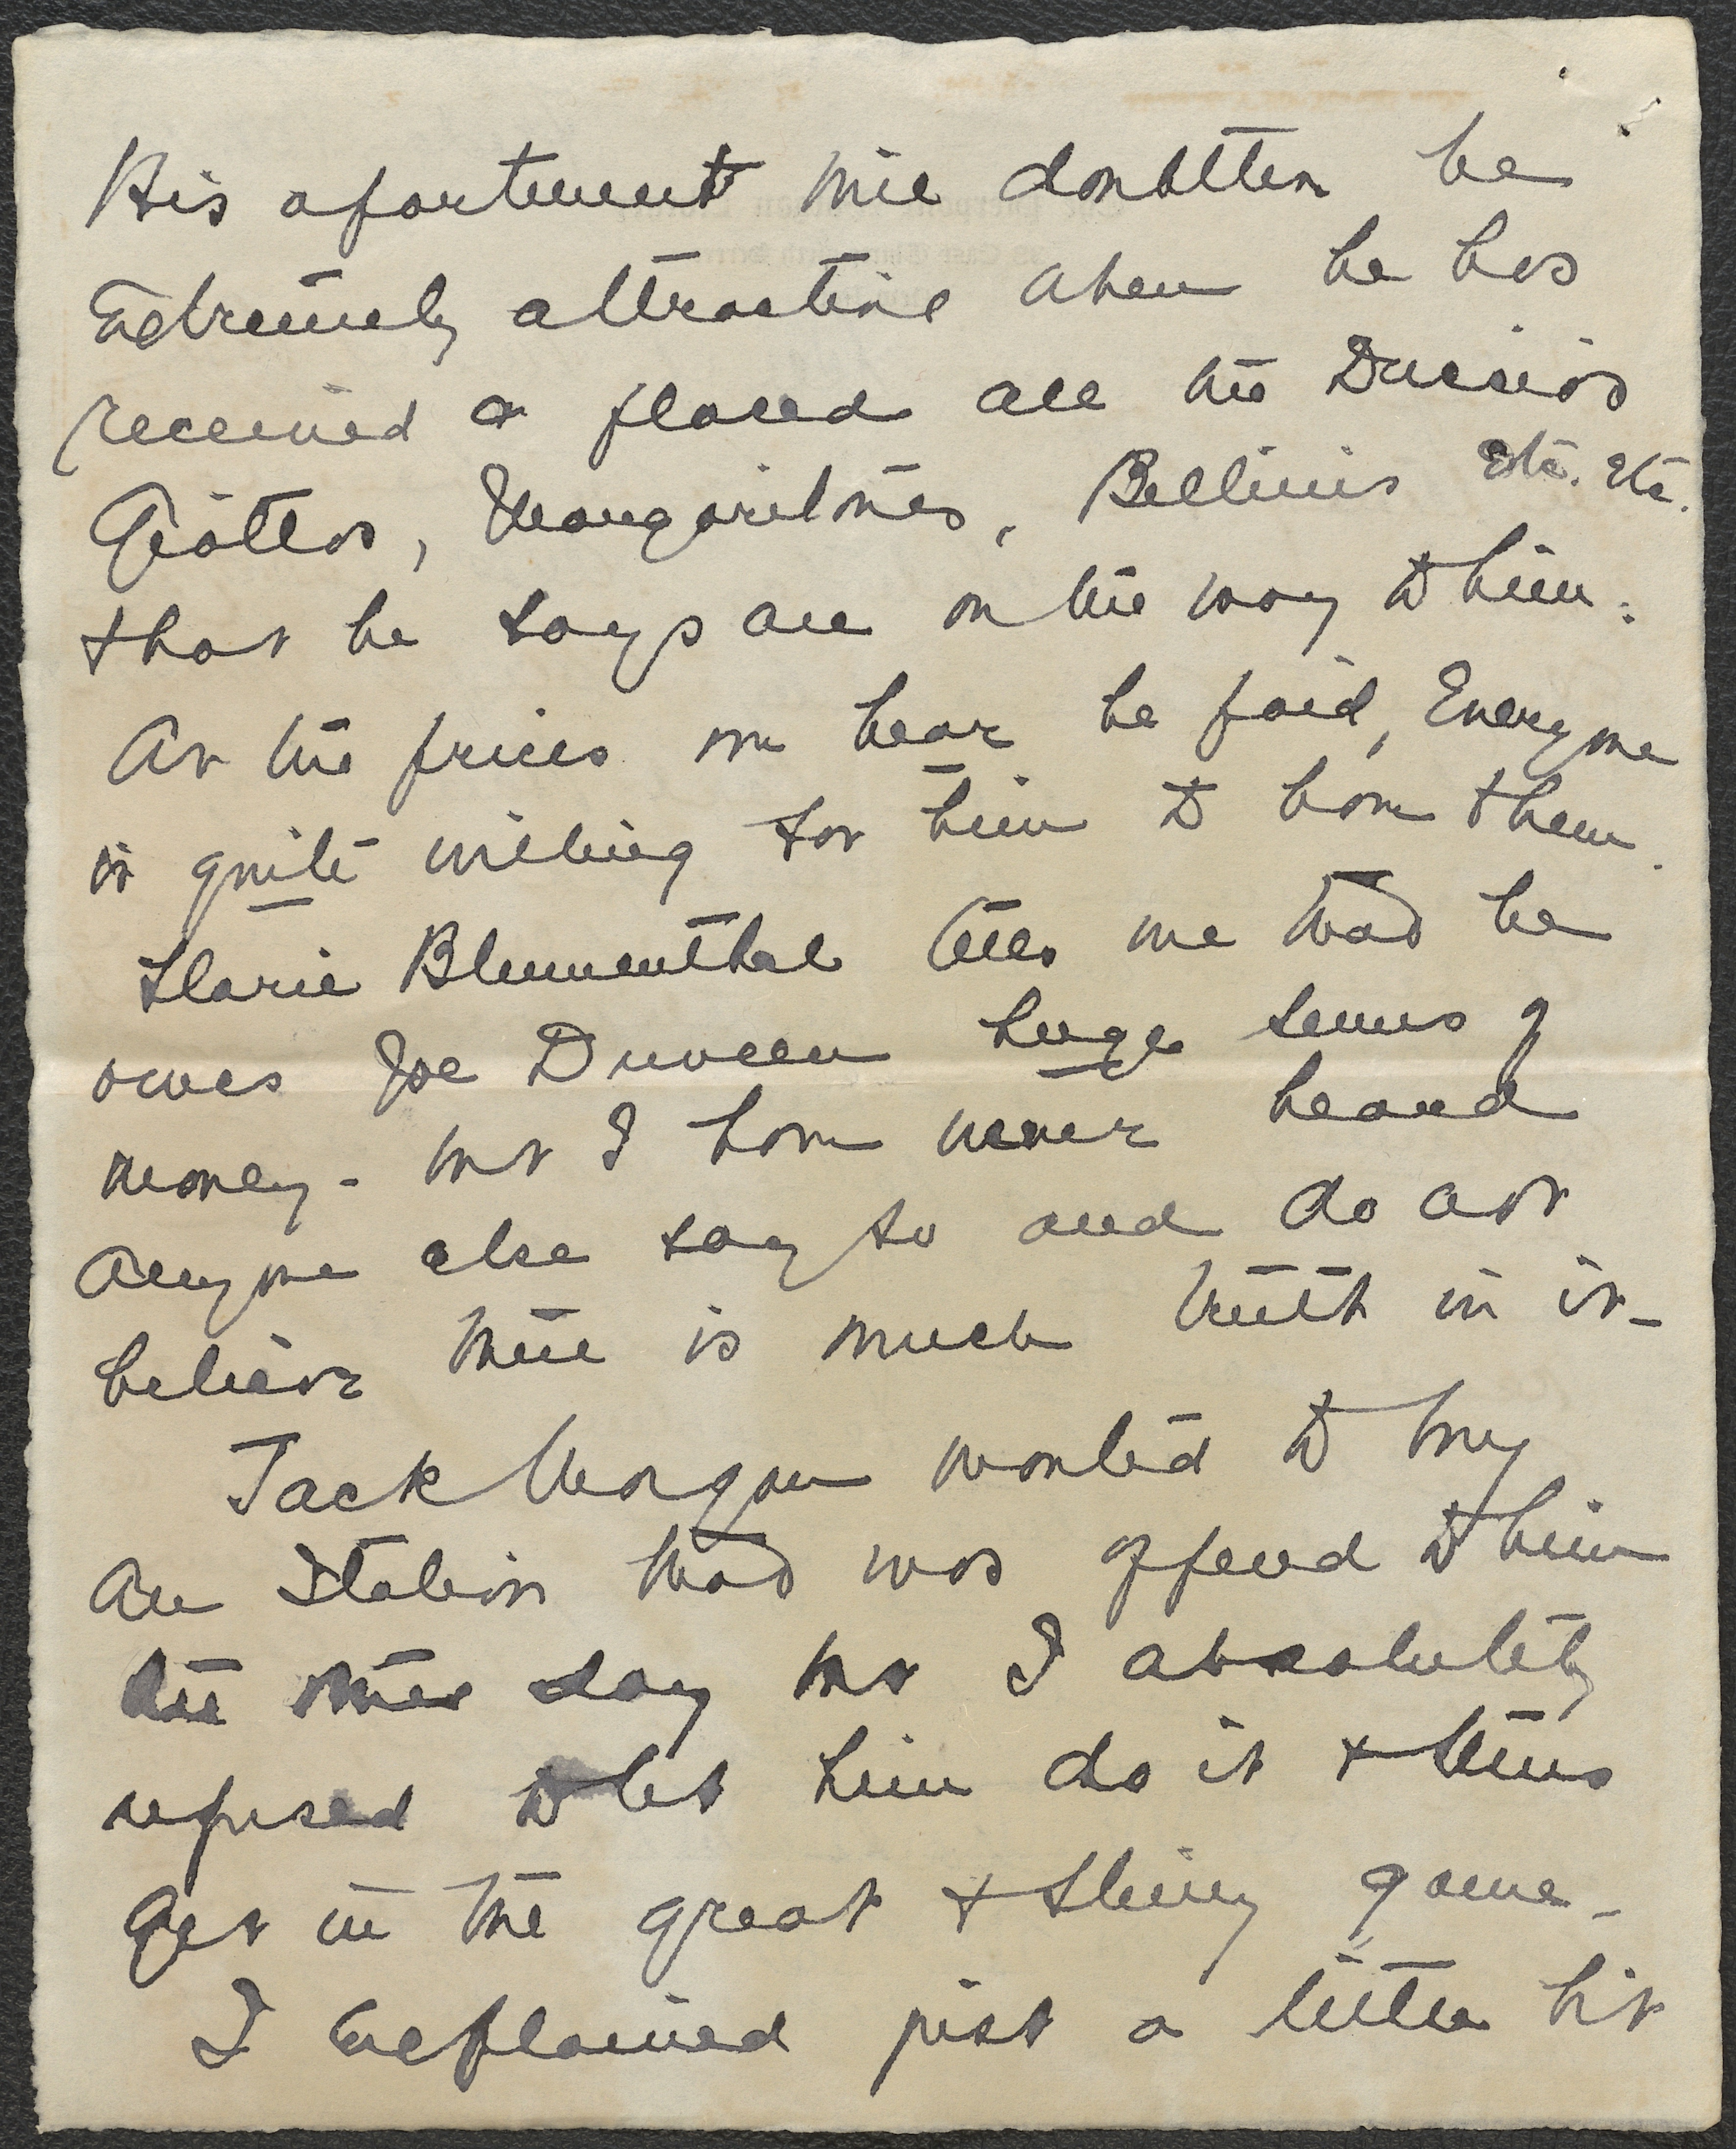His apartment will doubtless be extremely attractive when he has received & placed all the Duccio's, Giottos, Margaritones, Bellinis etc.etc. that he says are on the way to him. At the prices we hear he said, Everyone one is quite willing for him to have them.
Florie Blumenthal tells me that he owes Joe Duveen huge sums of money – but I have never heard anyone else say so and do not believe there is much truth in it –
Jack Morgan wanted to buy an Italian that was offered to him the other day but I absolutely refused to let him do it & thus get in the great & slimy game –
I explained just a little bit